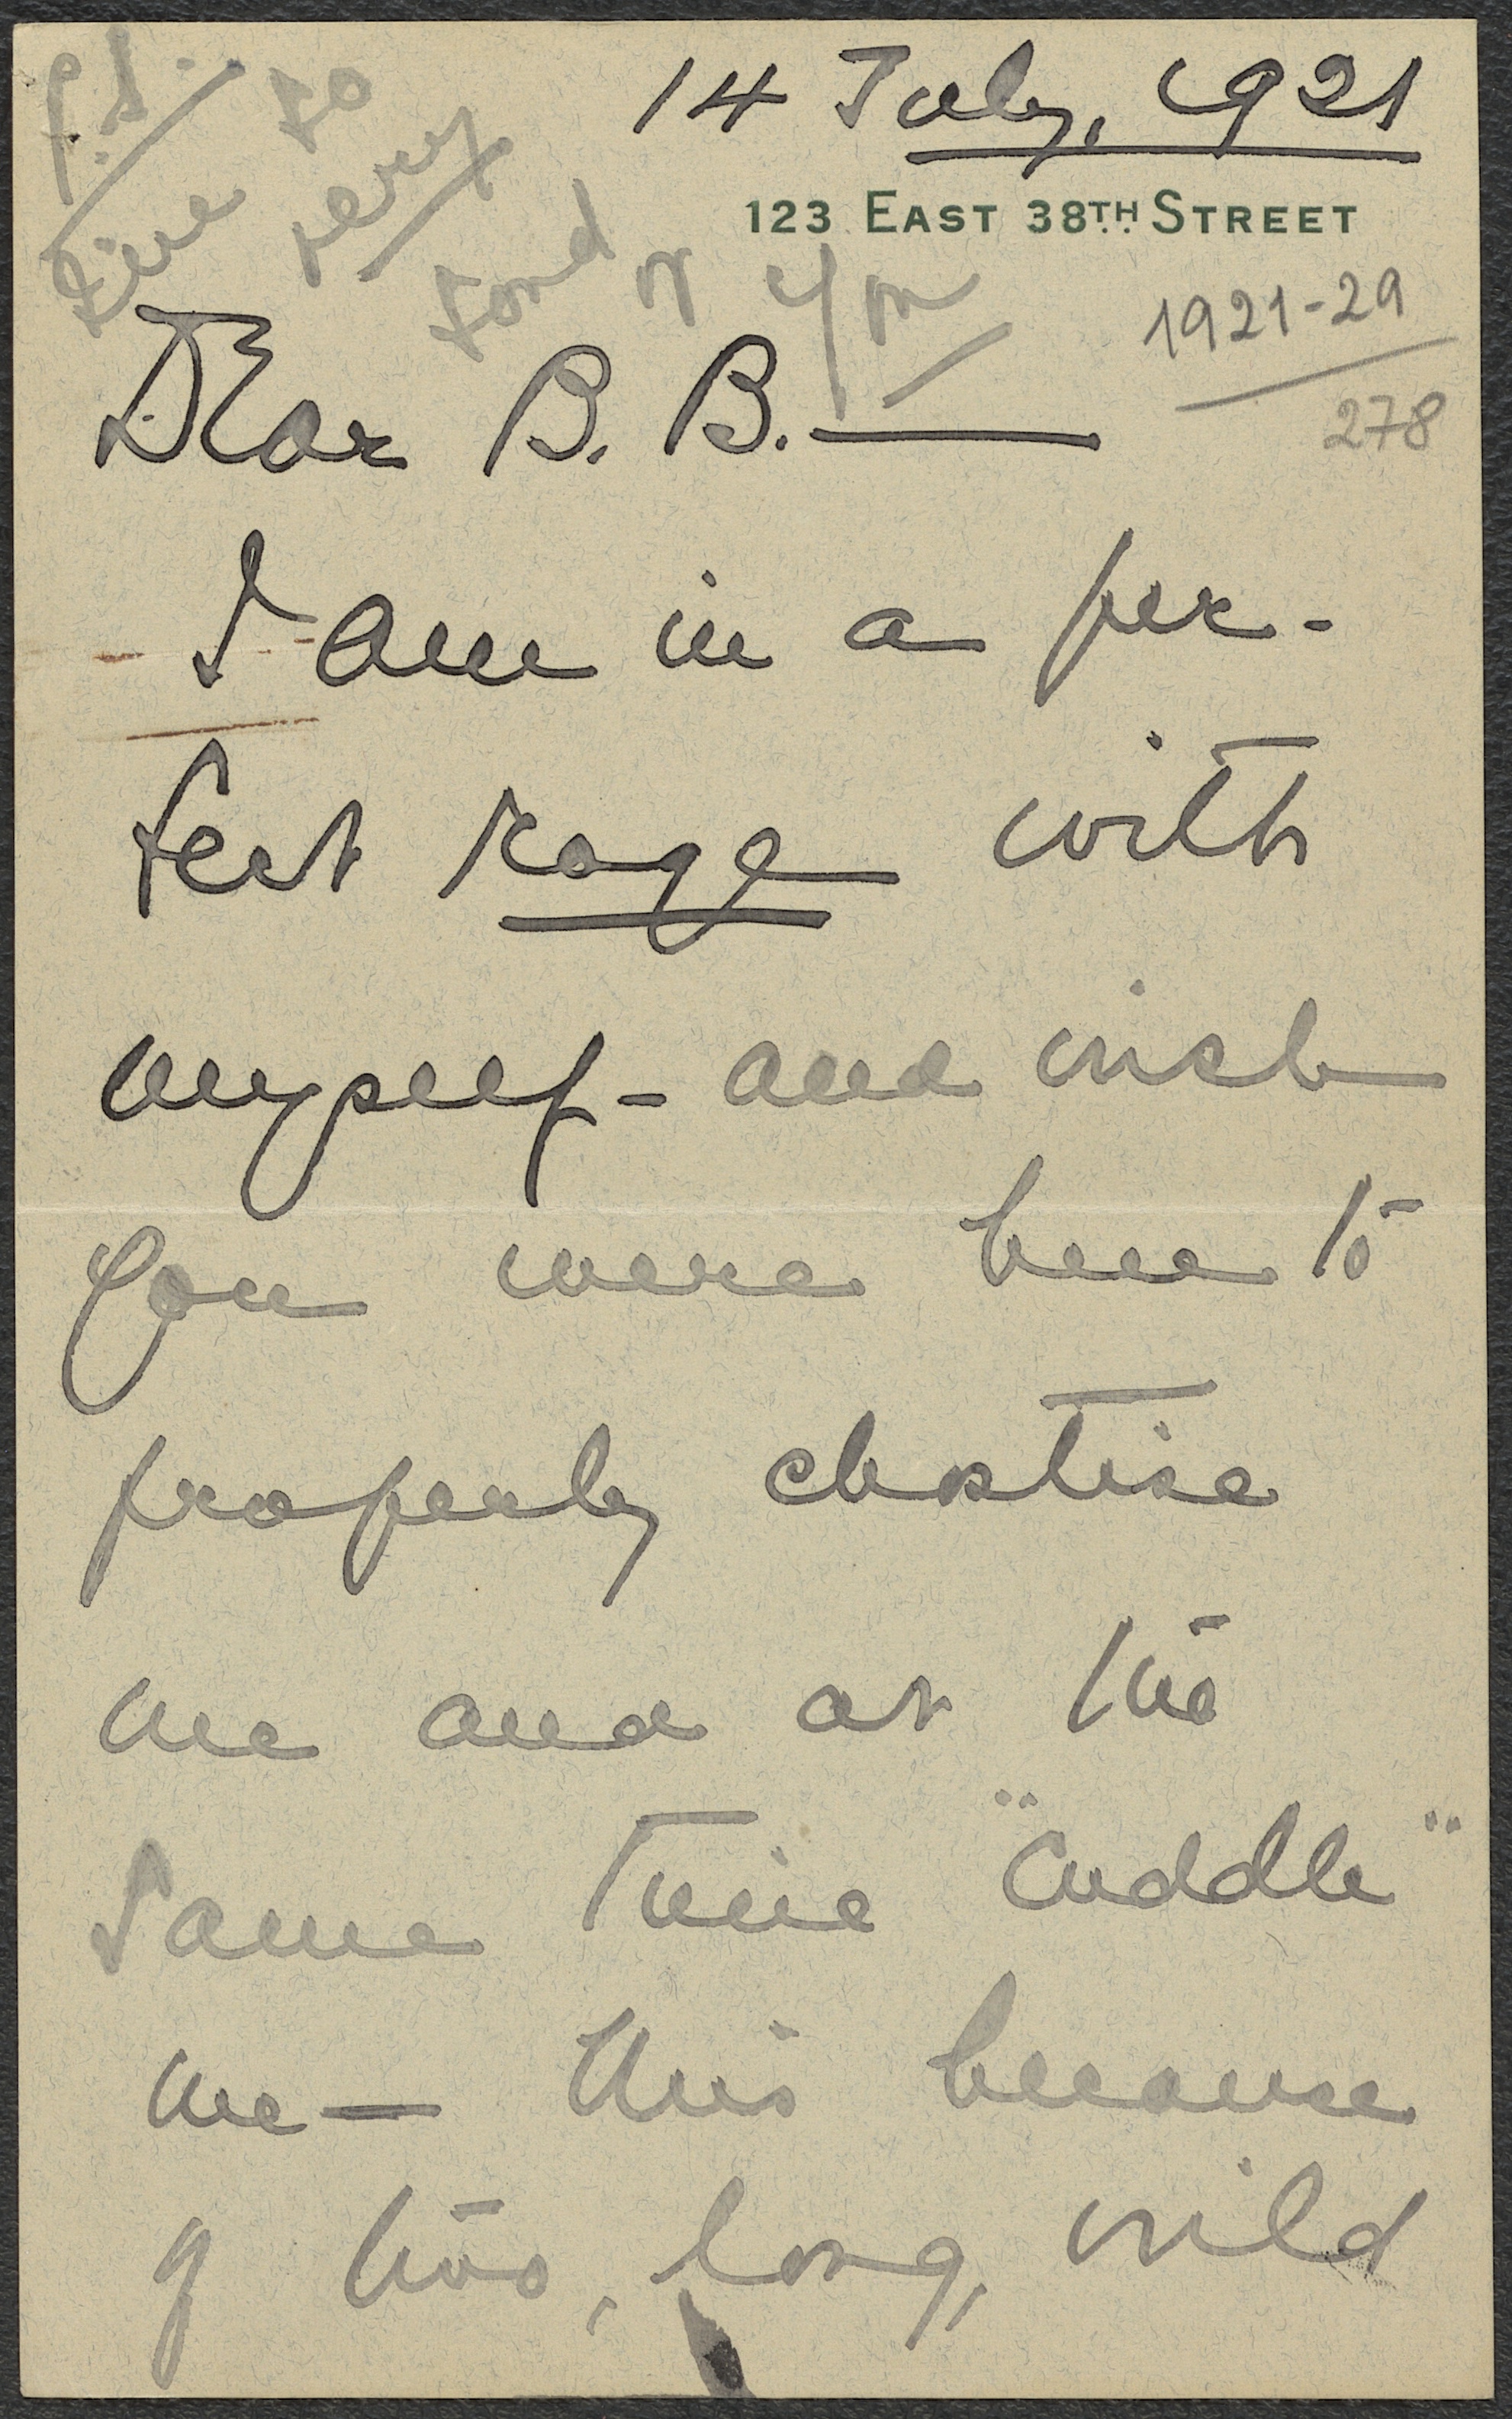14 July, 1921
[across top of page: P.S. I’m so very fond of you]
Dear B. B. –
I am in a perfect rage with myself – and wish you were here to properly chastise me and at the same time "cuddle" me – This because of two, long, wild